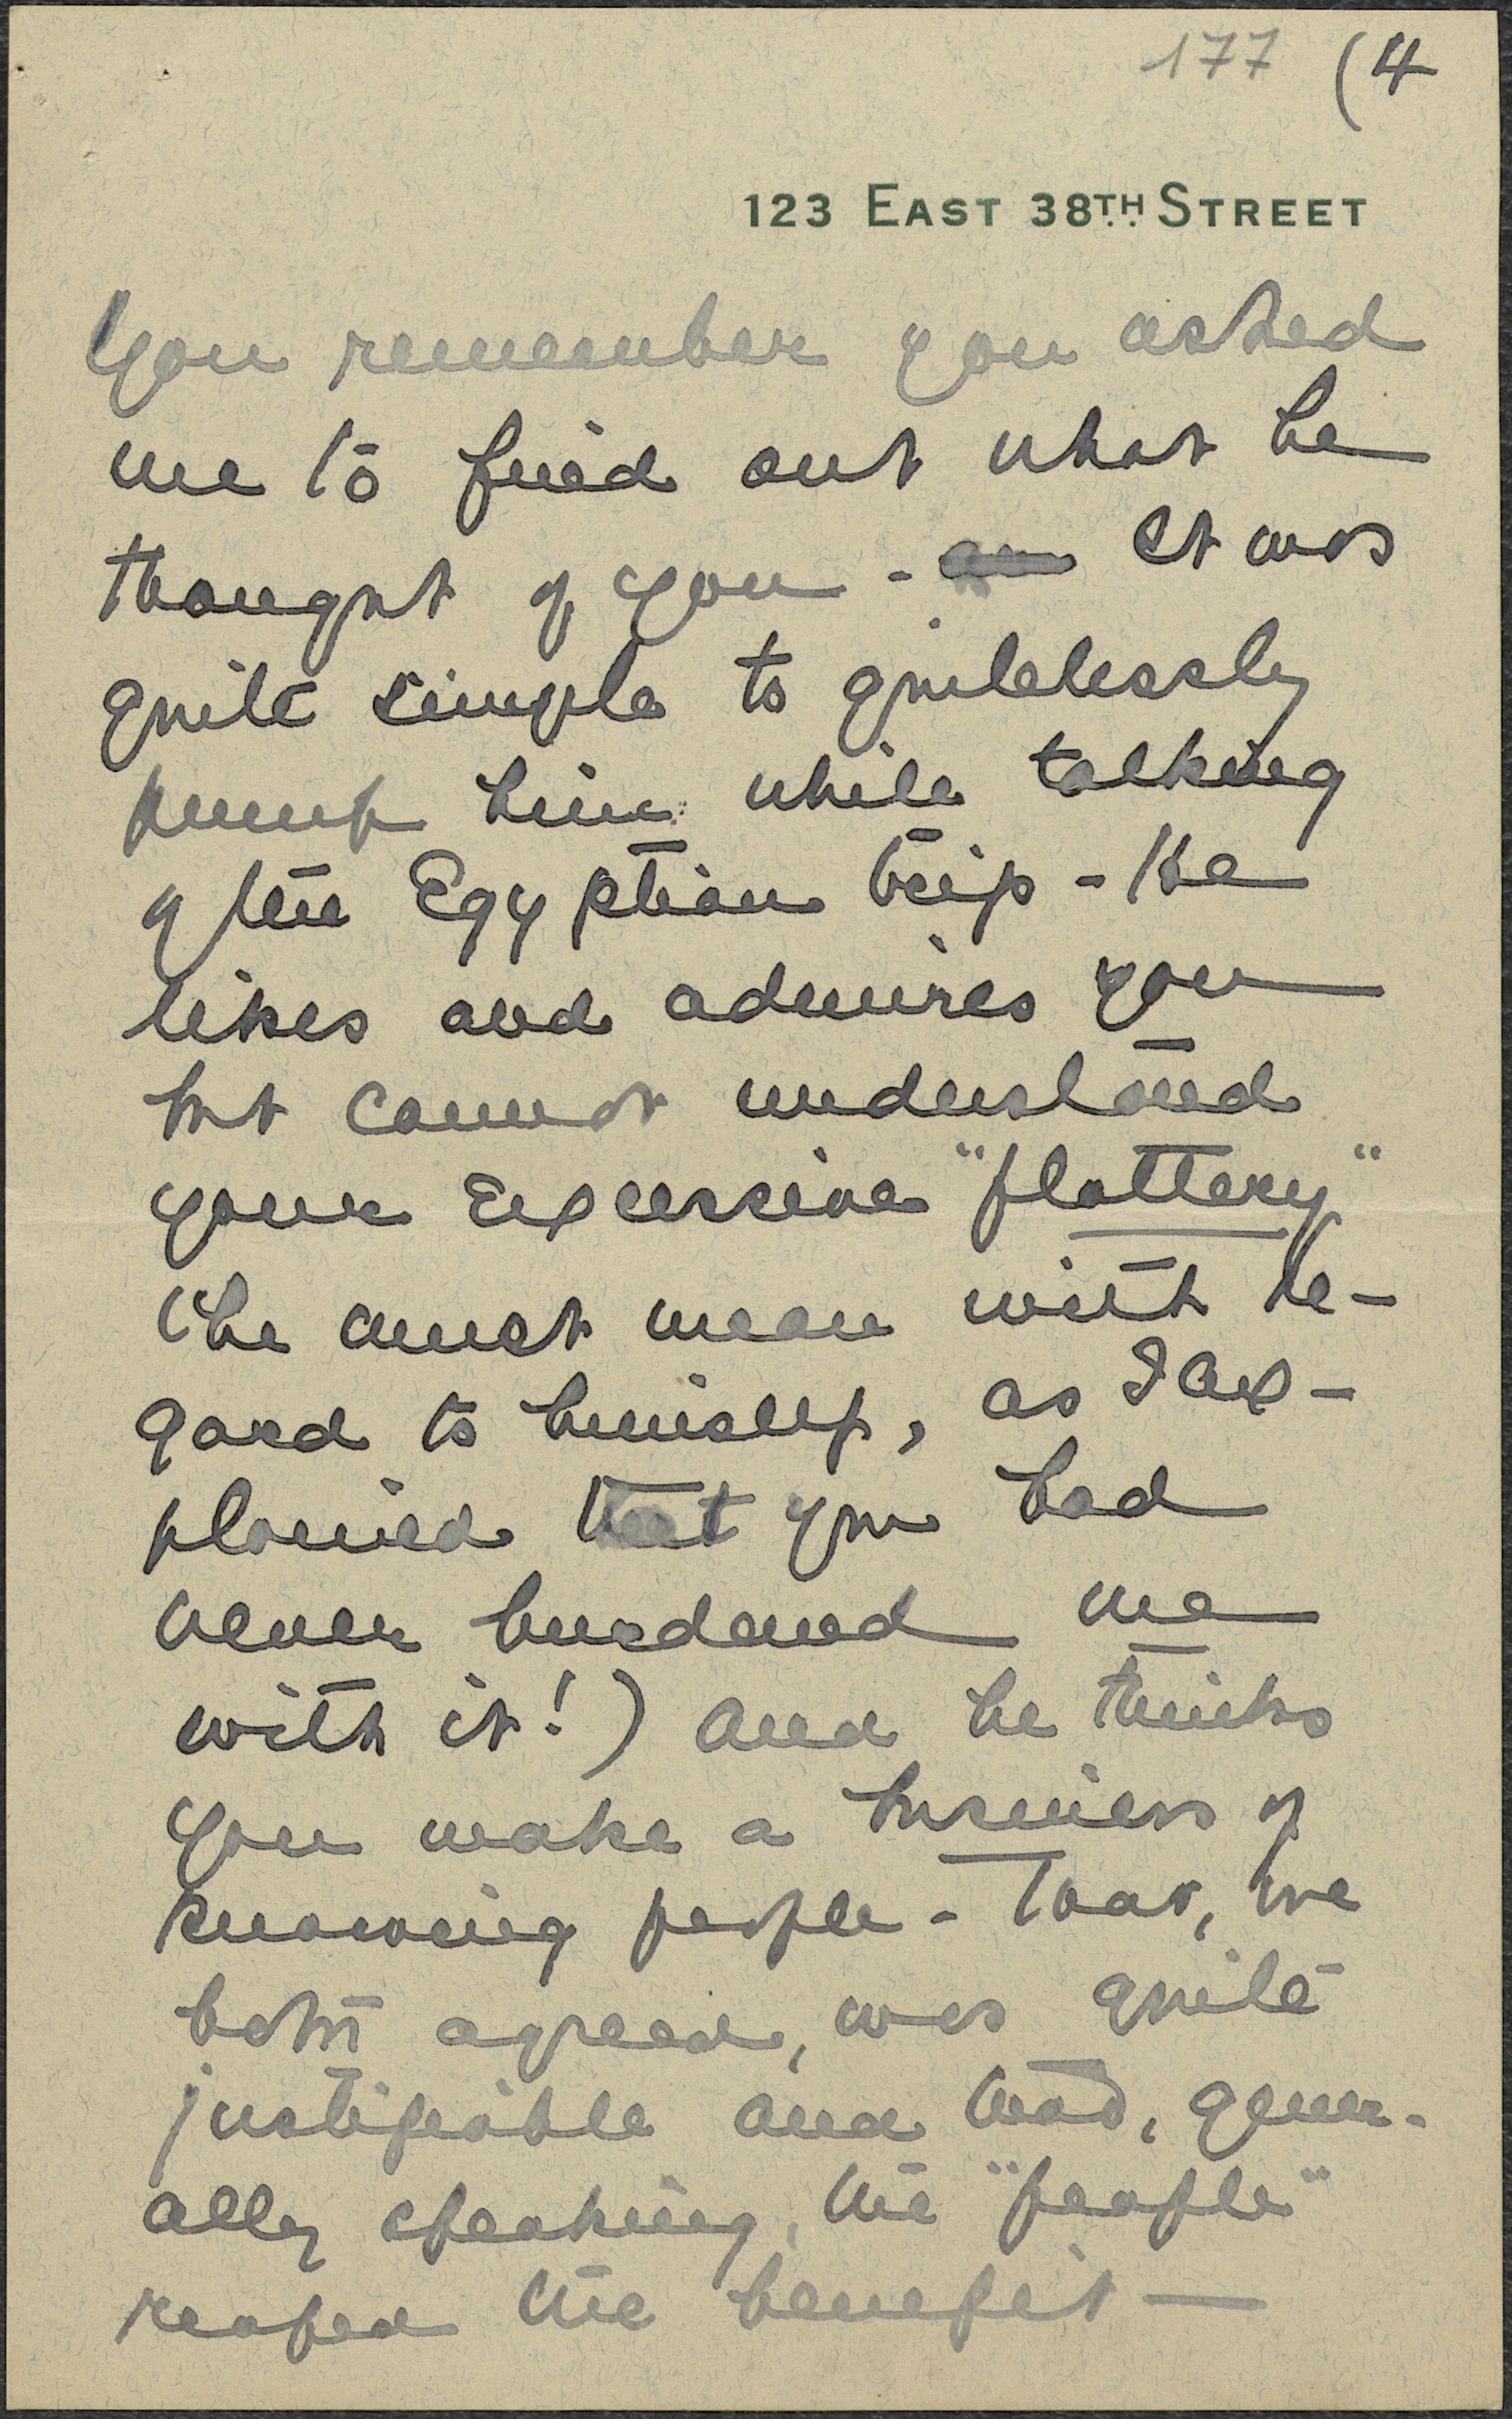4)
You remember you asked me to find out what he thought of you. an It was quite simple to guilelessly pump him while talking of the Egyptian trip – He likes and admires you but cannot understand your excessive "flattery" (he must mean with regard to himself, as I explained that you had never burdened me with it!) And he thinks you make a business of knowing people – That, we both agreed, was quite justifiable and that, generally speaking, the "people" reaped the benefit –